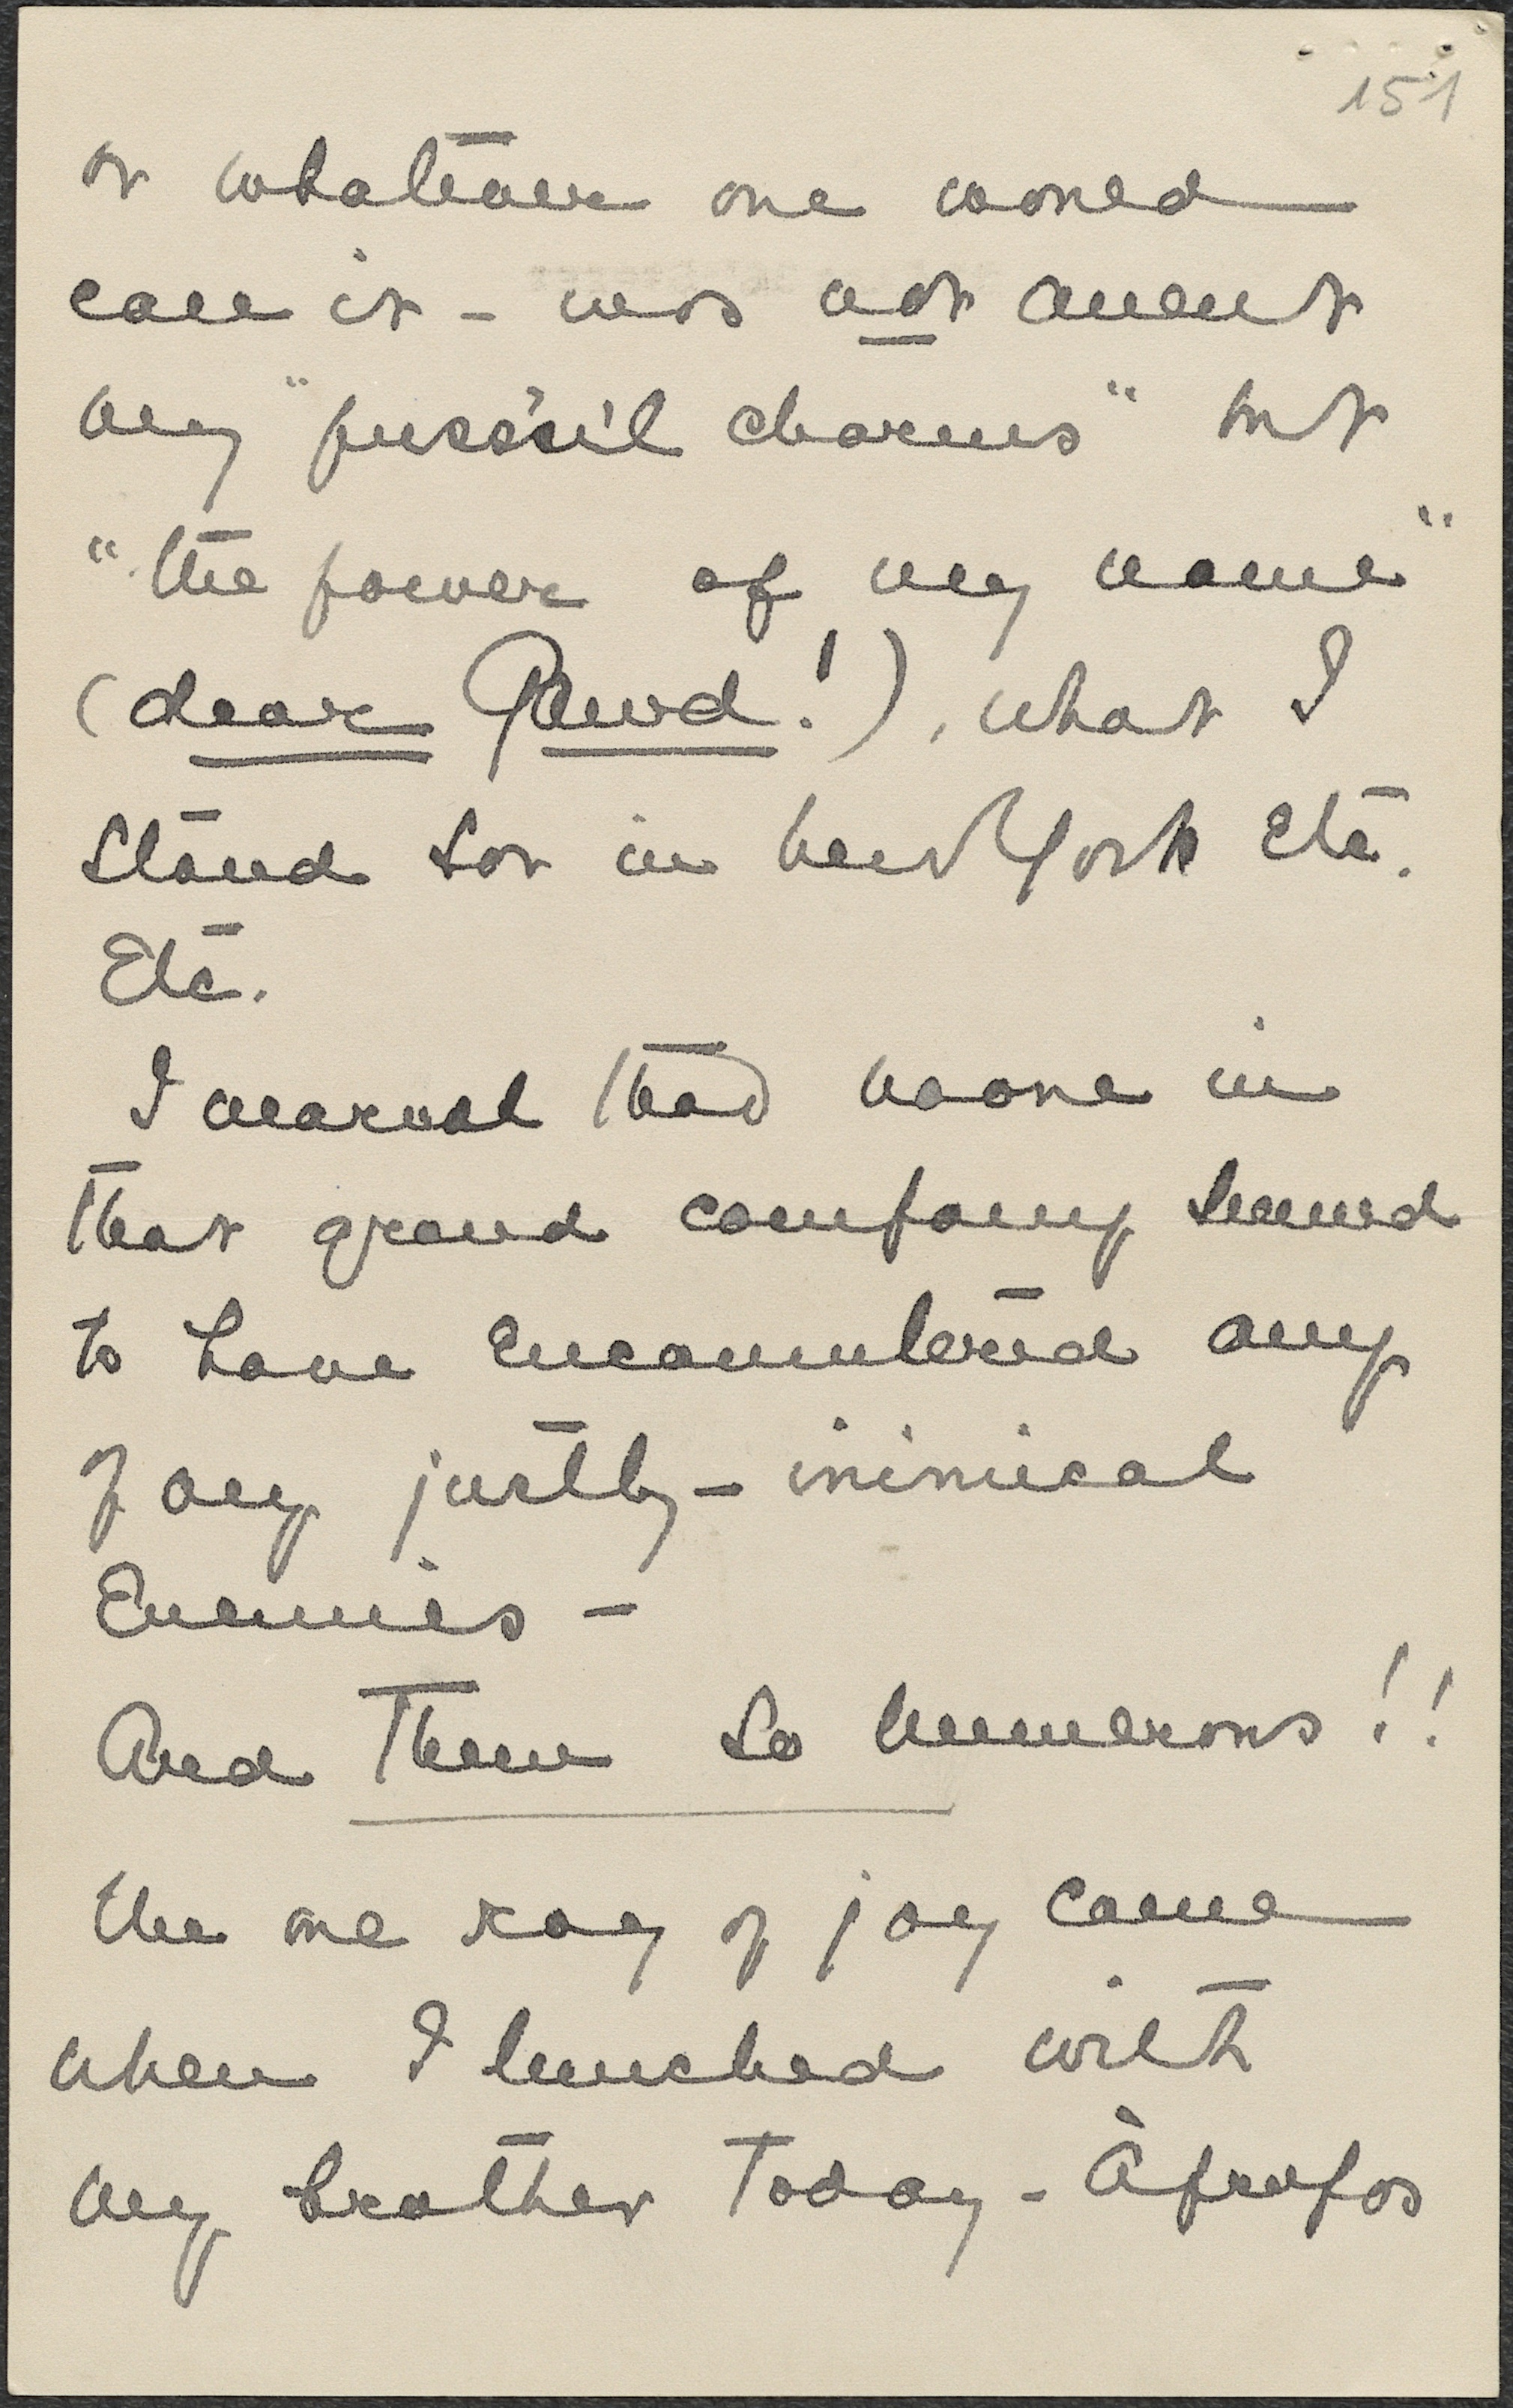or whatever one would call it – was not about my "puss'n'l charms" but "the power of my name" (dear Gawd!), what I stand for in New York etc. etc.
I marvel that noone [sic] in that grand company seemed to have encountered any of my justly-inimical Enemies –
And them so numerous!!
The one ray of joy came when I lunched with my brother today – À propos